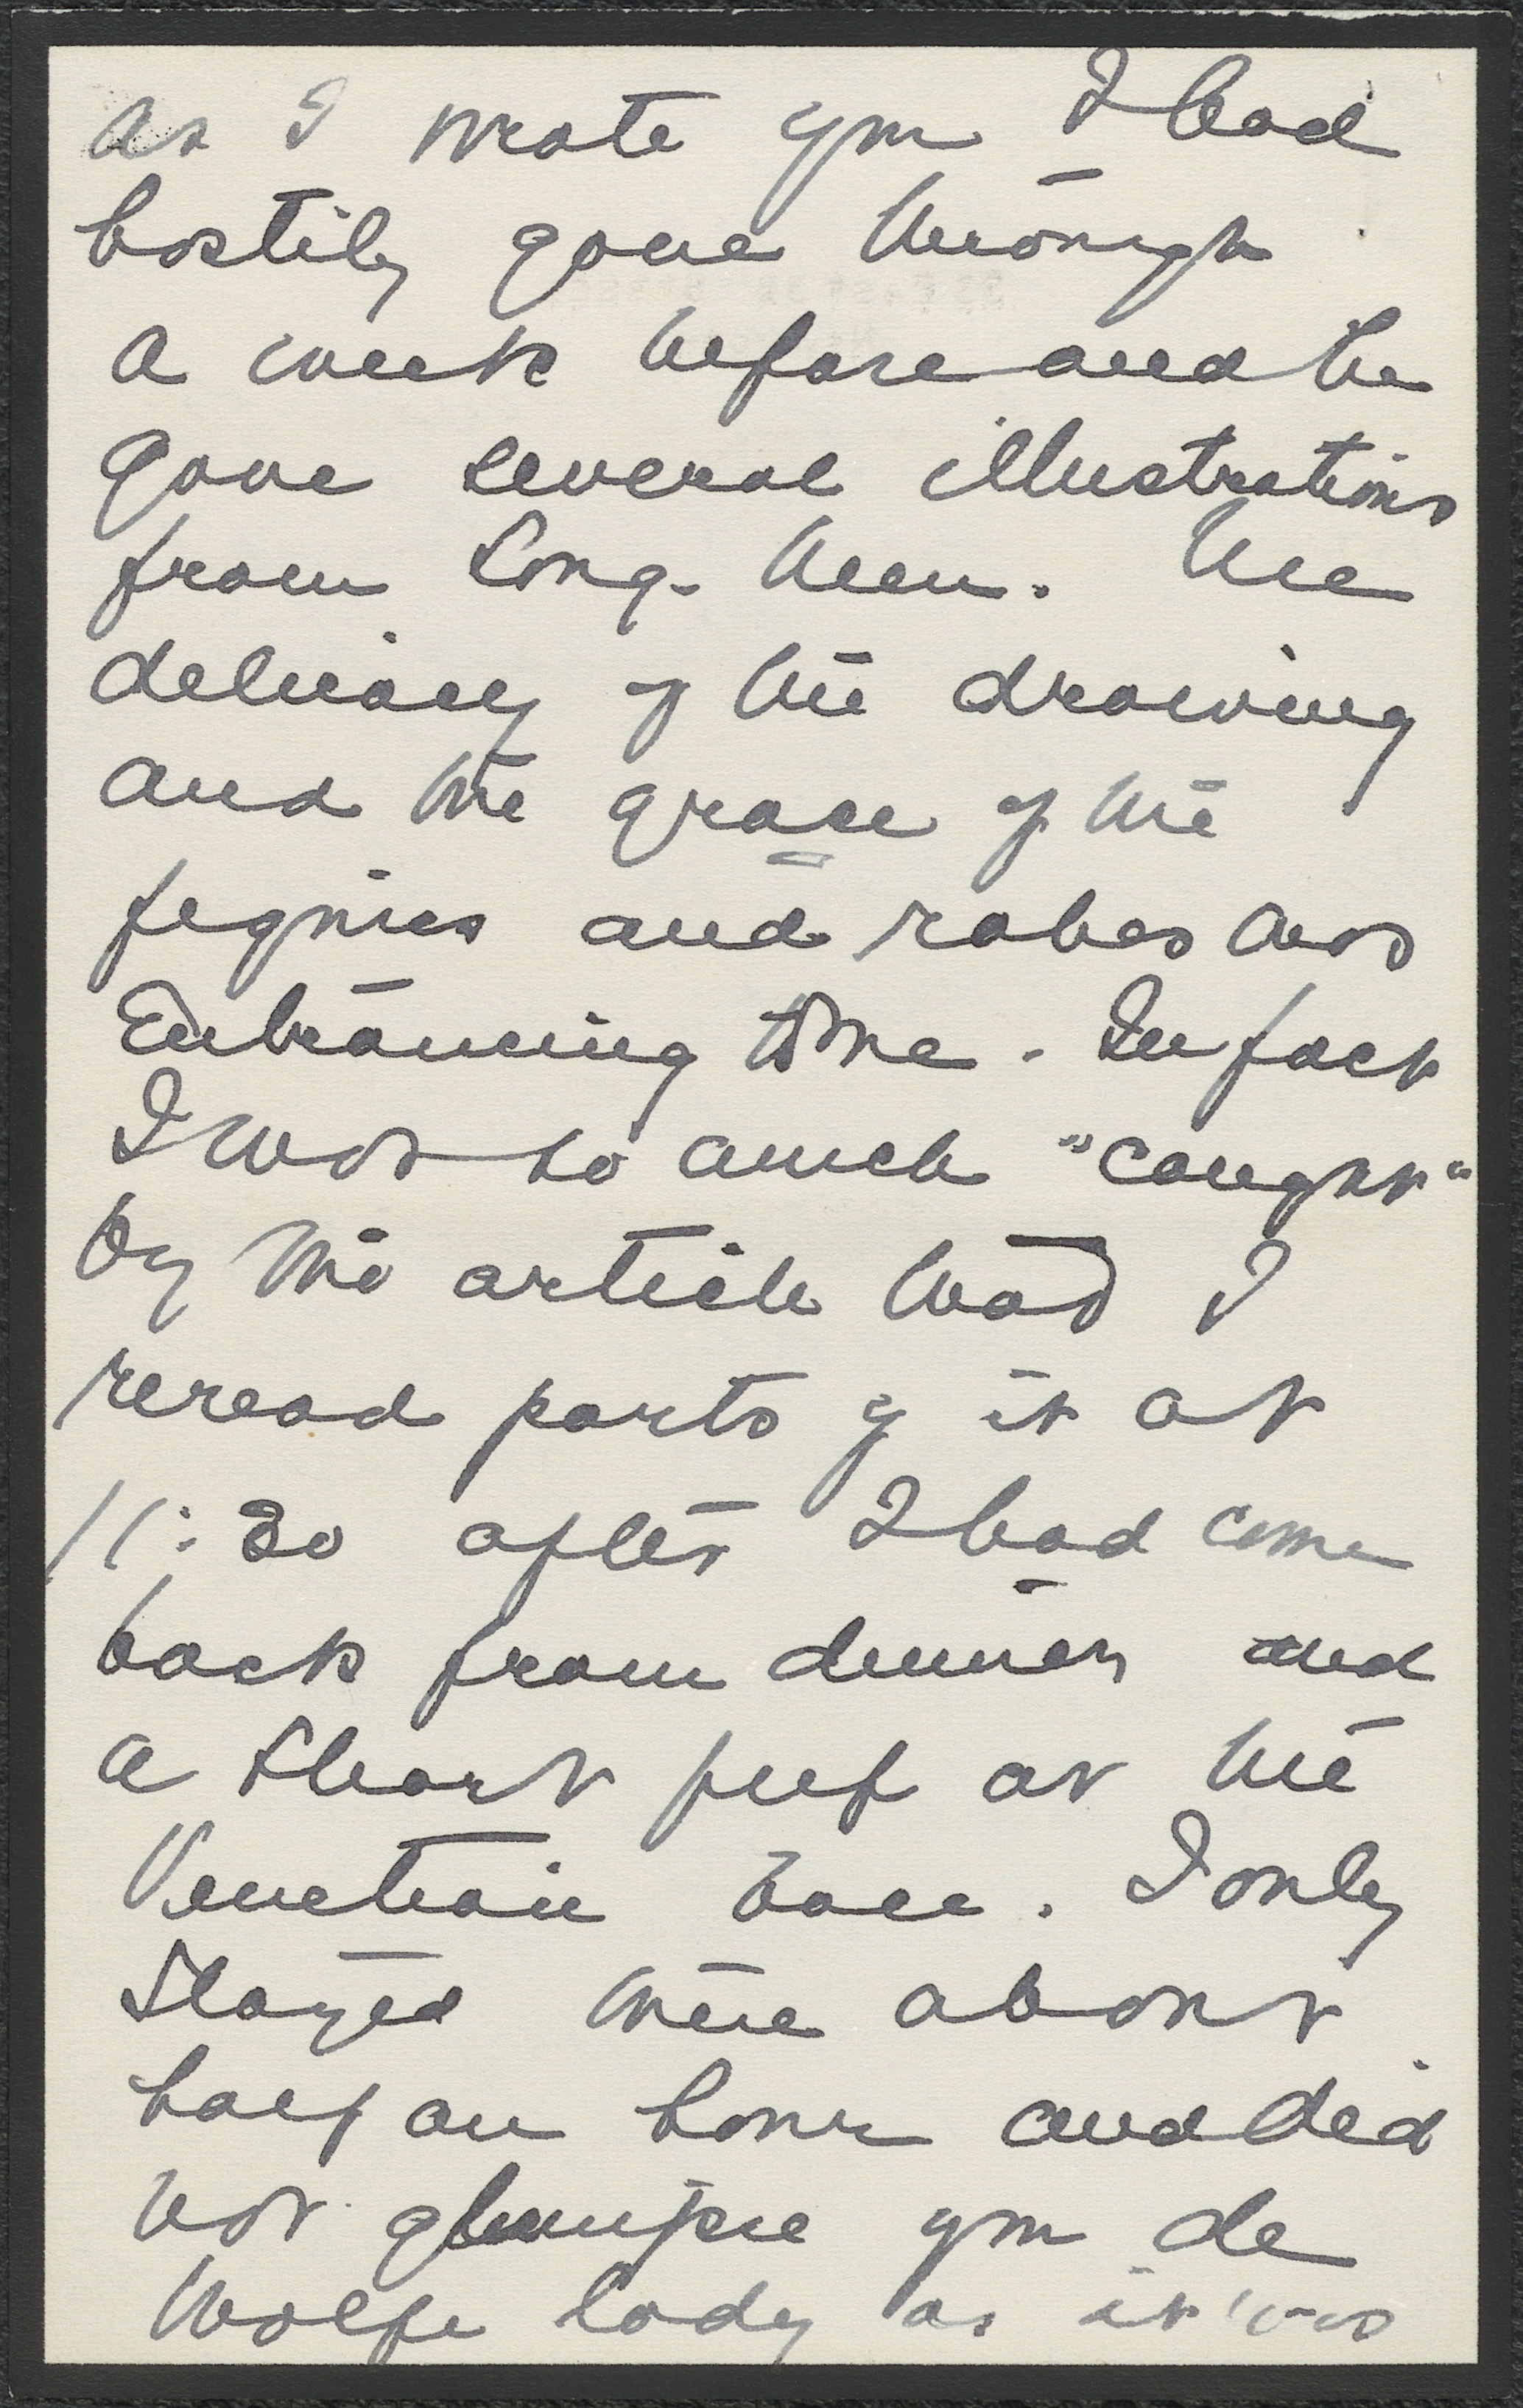as I wrote you I had hastily gone through a week before and he gave several illustrations from Song-Men [?]. The delicacy of the drawing and the grace of the figures and robes was entrancing to me – In fact I was so much “caught” by the article that I reread parts of it at 11:30 after I had come back from dinner and a short peep at the Venetian ball. I only stayed there about half an hour and did not glimpse your de Wolfe lady as it was